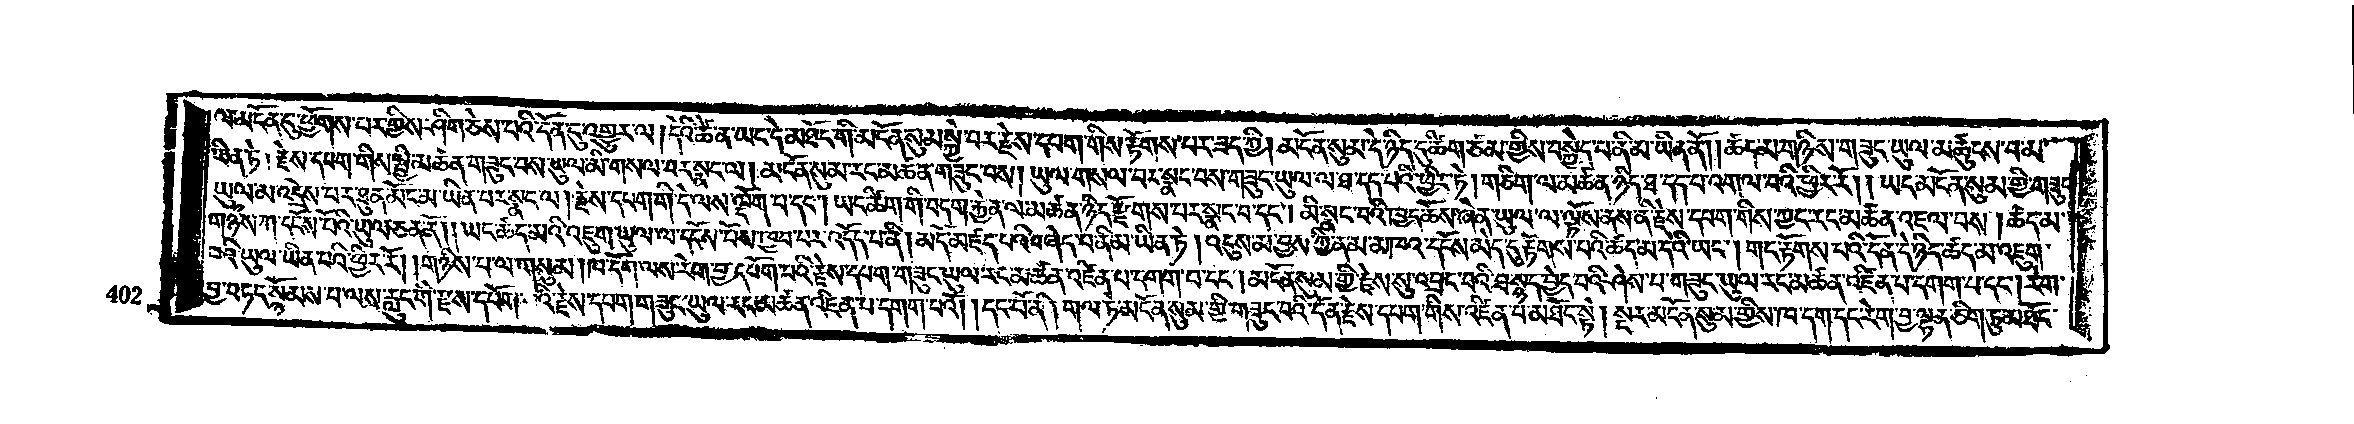ལ་མངོན་དུ་ཕྱོགས་པར་གྱིས་ཤིག་ཅེས་པའི་དོན་དུ་འགྱུར་ལ། དེའི་ཚེ་ན་ཡང་དེ་མཐོང་གི་མངོན་སུམ་སྐྱེ་བར་རྗེས་དཔག་གིས་རྟོགས་པར་ཟད་ཀྱི། མངོན་སུམ་དེ་ཉིད་དུ་ཚིག་ཙམ་གྱིས་བསྐྱེད་པ་ནི་མ་ཡིན་ནོ། །ཚད་མ་གཉིས་གཟུང་ཡུལ་མཚུངས་པ་མ་
ཡིན་ཏེ། རྗེས་དཔག་གིས་སྤྱི་མཚན་གཟུང་བས་ཡུལ་མི་གསལ་བར་སྣང་ལ། མངོན་སུམ་རང་མཚན་གཟུང་བས། ཡུལ་གསལ་བར་སྣང་བས་གཟུང་ཡུལ་ལ་ཐ་དད་པའི་ཕྱིར་ཏེ། གཅིག་ལ་མཚན་ཉིད་ཐ་དད་པ་འགལ་བའི་ཕྱིར་རོ། །ཡང་མངོན་སུམ་གྱི་གཟུང་
ཡུལ་མ་འདྲེས་པར་ཐུན་མོང་མ་ཡིན་པར་སྣང་ལ། རྗེས་དཔག་གི་དེ་ལས་ལྡོག་པ་དང་། ཡང་ཚིག་གི་བདག་རྐྱེན་ལ་མཚན་ཉིད་རྫོགས་པར་སྣང་བ་དང་། མི་སྣང་བའི་ཁྱད་ཆོས་ཞེན་ཡུལ་ལ་ལྟོས་ནས་ནི་རྗེས་དཔག་གིས་ཀྱང་རང་མཚན་འཇལ་བས། ཚད་མ་
གཉིས་ཀ་དངོས་པོའི་ཡུལ་ཅན་ནོ། །ཡང་ཚད་མའི་འཇུག་ཡུལ་ལ་དངོས་པོས་ཁྱབ་པར་འདོད་པ་ནི། མདོ་མཛད་པའི་བཞེད་པ་ནི་མ་ཡིན་ཏེ། འདུས་མ་བྱས་ཀྱི་ནམ་མཁའ་དངོས་མེད་དུ་རྟོགས་པའི་ཚད་མ་དེའི་ཡང་། གང་རྟོགས་པའི་དོན་དེ་ཉིད་ཚད་མ་འཇུག་
བའི་ཡུལ་ཡིན་པའི་ཕྱིར་རོ། །གཉིས་པ་ལ་གསུམ། ཁ་དོག་ལས་རེག་བྱ་དཔོག་པའི་རྗེས་དཔག་གཟུང་ཡུལ་རང་མཚན་འཛིན་པ་དགག་པ་དང་། མངོན་སུམ་གྱི་རྗེས་སུ་འབྲང་བའི་ཐ་སྙད་བྱེད་པའི་ཤེས་པ་གཟུང་ཡུལ་རང་མཚན་འཛིན་པ་དགག་པ་དང་། རེག་
བྱ་བཏང་སྙོམས་པ་ལས་རླུང་གི་རྫས་དཔོག་པའི་རྗེས་དཔག་གཟུང་ཡུལ་རང་མཚན་འཛིན་པ་དགག་པའོ། །དང་པོ་ནི། གལ་ཏེ་མངོན་སུམ་གྱི་གཟུང་བའི་དོན་རྗེས་དཔག་གིས་འཛིན་པ་མཐོང་སྟེ། སྔར་མངོན་སུམ་གྱིས་ཁ་དོག་དང་རེག་བྱ་ལྷན་ཅིག་ཏུ་མཐོང་